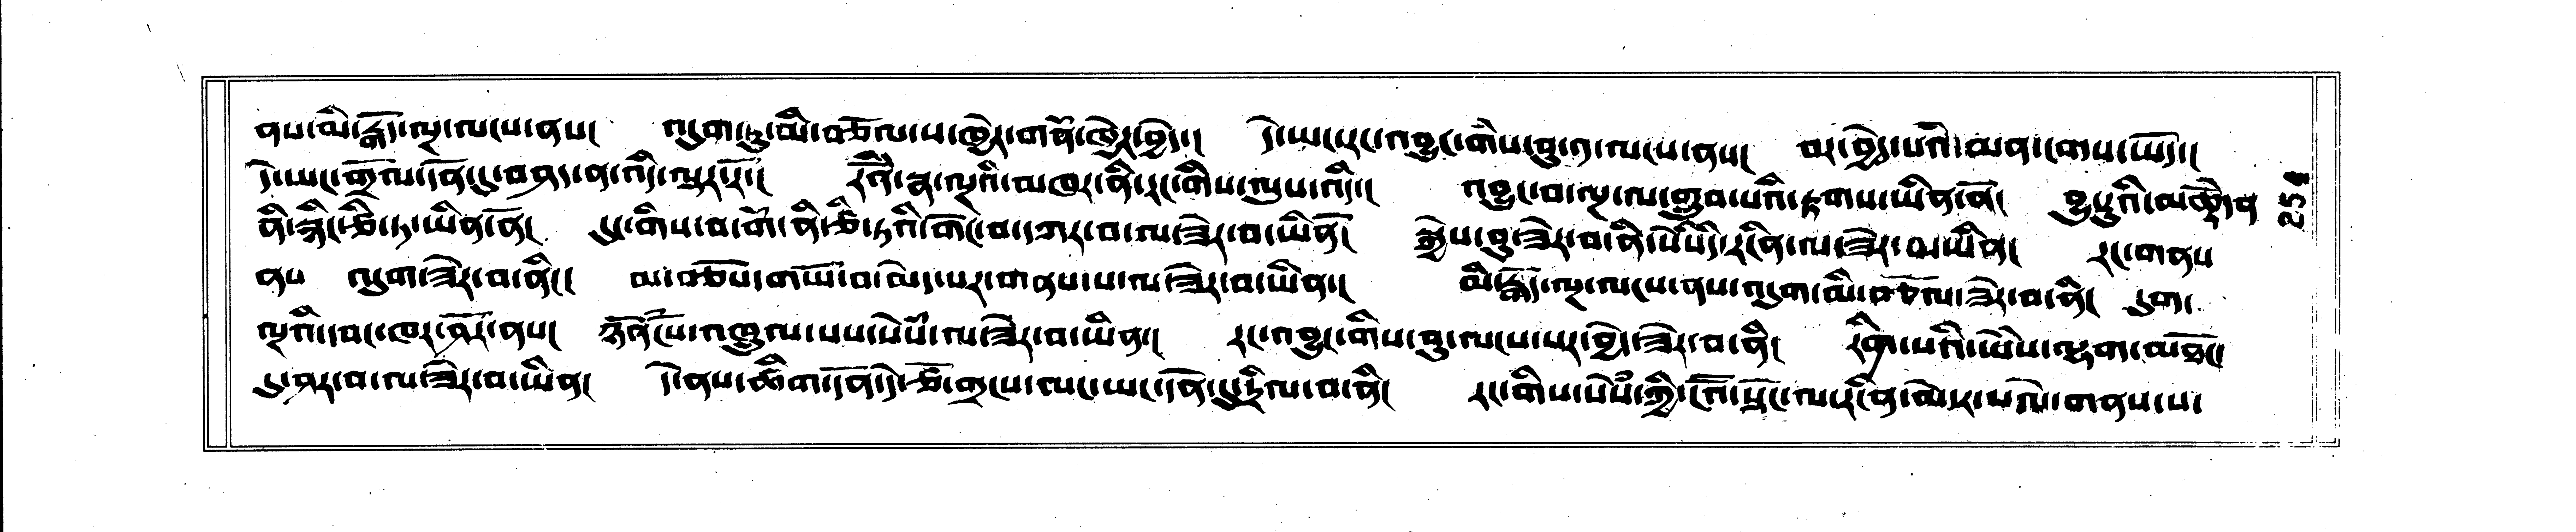ནས་མི་རྒོད་ལྔ་ལང་ནས་འདུག་དུ་མི་བཅོལ་ས་’ཁྱེར་གནམ་ཁྱེར་བྱེད། དེ་ལ་རང་འབྱུང་གི་བུ་གཅིག་ལང་ནས་བར་བྱེད་པའི་མན་ངག་ཡོད། 
དེ་ཡང་བཀྲོལ་དོན་དུ་བཤད་ན་འདི་ལྟ་རོ། རིན་པོ་ཆེ་སྣ་ལྔའི་མཁར་ནི། རང་གིས་ལུས་པོ་འདི་ འབྱུང་བ་ལྔ་ལས་གྲུབ་པའི་བརྡའ་ཡིན་ནོ། བྱི་རུའི་མཆོད་
རྟེན་ཙི་ཏའོ། དུང་གིས་བ་གམ་ནི། ཙི་ཏའི་གོང་བ་དཀར་བ་ལ་ཟེར་བ་ཡིན། སྐྱེས་བུ་ཟེར་བ་ནི། སེམས་ཉིད་རིན་པོ་ཆེ་ལ་ཟེར་བ་ཡིན། རང་གནས་
སུ་ འདུག་ཟེར་བ་ནི། མ་བཅོས་གཡོ་བ་མེད་པ་རང་སར་གནས་པ་ལ་ཟེར་བ་ཡིན། མི་རྒོད་ལྔ་ལང་ནས་འདུག་མི་བཅོལ་ཟེར་བ་ནི། དུག་
ལྔའི་མཁར་ཁང་ཤོར་ནས་ཉོན་མོངས་འཁྲུལ་པའི་སེམས་ལ་ཟེར་བ་ཡིན། རང་འབྱུང་གི་བུ་གཅིག་ལང་ནས་བར་བྱེད་ཟེར་བ་ནི། རིག་པའི་ཡེ་ཤེས་ལྷག་མཐོང་
དུ་ཤར་བ་ལ་ཟེར་བ་ཡིན། དེ་ནས་ཚིག་དོན་དེ་ཚོ་གྲངས་མང་ཡང་། དོན་དུ་དྲིལ་བ་ནི། རང་གིས་སེམས་ཀྱི་ངོའོ་སྟོང་ལ་རང་བཞིན་མེད་པར་སལེ་གནས་